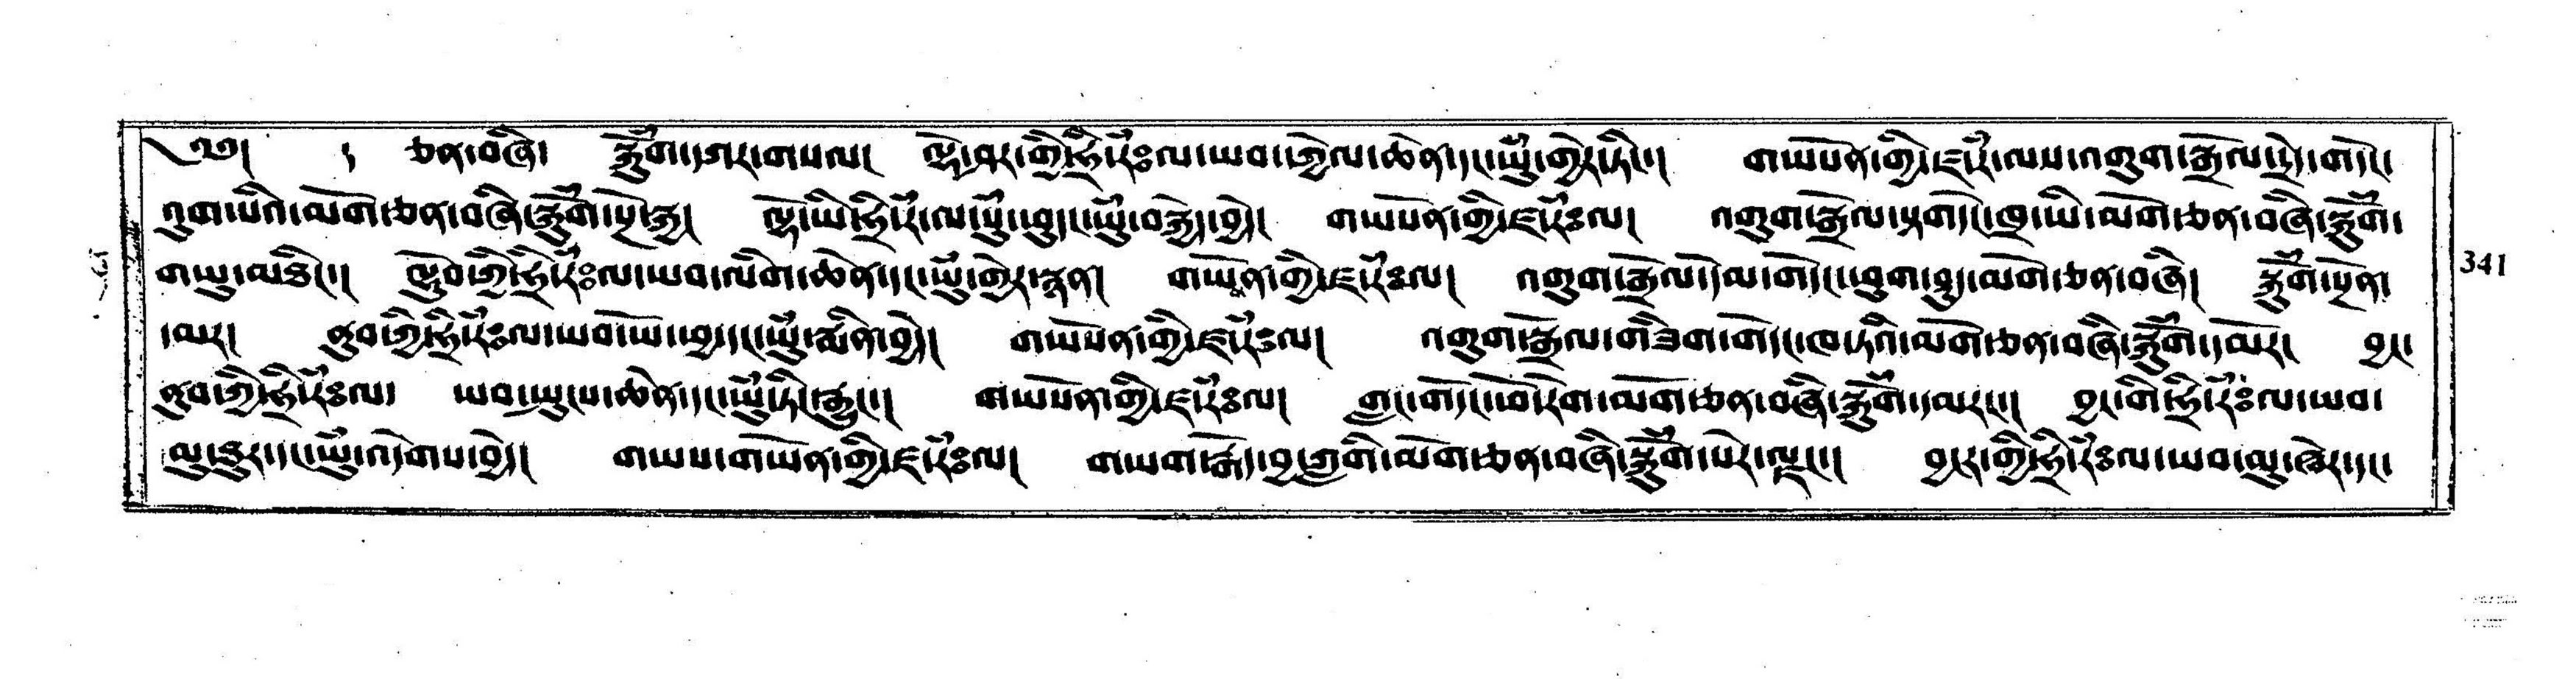ཅན་བཞི། སྐུ་མདོག་དཀར་གསལ། ལྷོ་ཤར་གྱི་ཧྲི་རཾཿལ་ཡབ་དཀྱེལ་ཆེན་དང་ཡུམ་གྱེར་ཏིང་། གཡས་གཡོན་གྱི་ཛ་རཾ་ལས་འགུག་སྒྲོལ་དྲེད་གདོང་
འུག་པའི་མགོ་ཅན་བཞི་སྐུ་མདོག་སྔོ་སྐྱ། ལྷོ་ཡི་ཧྲི་རཾ་ལ་སུམ་ཕུང་དང་ཡུམ་སྐྱེད་བྱེད། གཡས་གཡོན་གྱི་ཛ་རཾཿལ། འགུག་སྒྲོལ་སྟག་གདོང་ཁྲ་ཡི་མགོ་ཅན་བཞི་སྐུ་མདོག་
གཡུ་མཐིང་། ལྷོ་ནུབ་ཀྱི་ཧྲི་རཾཿལ་ཡབ་ལིག་ཆེན་དང་ཡུམ་གྱེར་སྙན། གཡས་གཡོན་གྱི་ཛ་རཾཿལ། འགུག་སྒྲོལ་དོམ་གདོང་ཕུག་ཤུད་མགོ་ཅན་བཞི། སྐུ་མདོག་སྔོན་
དམར། ནུབ་ཀྱི་ཧྲི་རཾཿལ་ཡབ་ཡོ་ཕྱ་དང་ཡུམ་སྨིན་བྱེད། གཡས་གཡོན་གྱི་ཛ་རཾཿལ། འགུག་སྒྲོལ་གཟིག་གདོང་ཁ་ཏའི་མགོ་ཅན་བཞི་སྐུ་མདོག་དམར་པོ། བྱང་
ནུབ་ཀྱི་ཧྲི་རཾཿལ་ཡབ་སྤུངས་ཆེན་དང་ཡུམ་ཏིང་རྒྱུང་། གཡས་གཡོན་གྱི་ཛ་རཾཿལ། གླང་གདོང་ཕོ་རོག་མགོ་ཅན་བཞི་སྐུ་མདོག་དམར་ལྗང་། བྱང་གི་ཧྲི་རཾཿལ་ཡབ་
མུ་ཐུར་དང་ཡུམ་འདེགས་བྱེད། གཡས་གཡོན་གྱི་ཛ་རཾཿལ། གཡག་རྒོད་བྱ་ཀླག་གི་མགོ་ཅན་བཞི་སྐུ་མདོག་སེར་ལྗང་། བྱང་ཤར་གྱི་ཧྲི་རཾཿལ་ཡབ་མུ་ཝེར་དང་